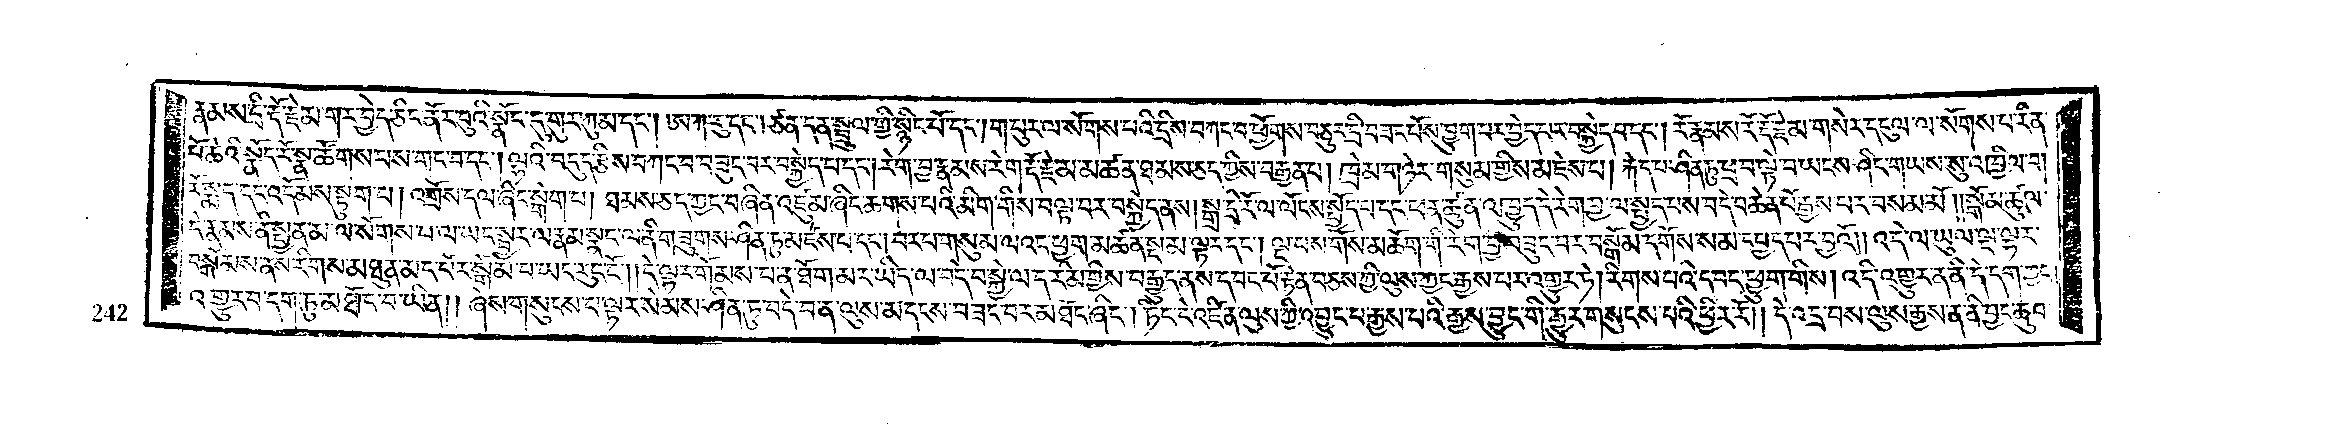རྣམས་དྲི་རྡོ་རྗེ་མ་གར་བྱེད་ཅིང་ནོར་བུའི་སྣོད་དུ་གུར་ཀུམ་དང་། ཨ་ཀ་རུ་དང་། ཙན་དན་སྦྲུལ་གྱི་སྙིང་པོ་དང་། ག་པུར་ལ་སོགས་པའི་དྲིས་བཀང་བ་ཕྱོགས་བཅུར་དྲི་བཟང་པོས་བྱུག་པར་བྱེད་པར་བསྐྱེད་པ་དང་། རོ་རྣམས་རོ་རྡོ་རྗེ་མ་གསེར་དངུལ་ལ་སོགས་པ་རིན་
པོ་ཆེའི་སྣོད་རོ་སྣ་ཚོགས་པས་གང་བ་དང་། ལྷའི་བདུད་རྩིས་བཀང་བ་བཟུང་བར་བསྐྱེད་པ་དང་། རེག་བྱ་རྣམས་རེག་རྡོ་རྗེ་མ་མཚན་ཐམས་ཅད་ཀྱིས་བརྒྱན་པ། ཁྲེམ་གཉེར་གསུམ་གྱིས་མཛེས་པ། རྐེད་པ་ཤིན་ཏུ་ཕྲ་བ་ལྟེ་བ་ཡངས་ཤིང་གཡས་སུ་འཁྱིལ་བ།
རོ་སྨད་དང་འདོམས་སྟུག་པ། འགྲོས་དལ་ཞིང་སྒེག་པ། ཐམས་ཅད་ཀྱང་བཞིན་འཛུམ་ཞིང་ཆགས་པའི་མིག་གིས་བལྟ་བར་བསྐྱེད་ནས། སྒྲ་དྲི་རོ་ལ་ལོངས་སྤྱོད་པ་དང་ཕན་ཚུན་འཁྱུད་དེ་རེག་བྱ་ལ་སྤྱད་པས་བདེ་བ་ཆེན་པོ་རྒྱས་པར་བསམ་མོ། །སྒོམ་ཚུལ་
དེ་རྣམས་ནི་སྤྱན་མ་ལ་སོགས་པ་ལ་ཡང་སྦྱར་ལ་རྣམ་སྣང་ལ་ནི་གཟུགས་ཤིན་ཏུ་མཛེས་པ་དང་། བར་པ་གསུམ་ལའང་ཕྱག་མཚན་སྔ་མ་ལྟར་དང་། ལྔ་པས་གོས་མཆོག་གི་རེག་བྱ་བཟུང་བར་བསྒོམ་དགོས་སམ་དཔྱད་པར་བྱའོ། །འདི་ལ་ཡུལ་ལྔ་ལྷར་
བསྒོམས་ནས་རིགས་མཐུན་མང་པོར་སྒོམ་པ་ཡང་རུང་ངོ། །དེ་ལྟར་གོམས་པ་ན་ཐོག་མར་ཡིད་ལ་བདེ་བ་སྐྱེ་ལ་དེ་རིམ་གྱིས་བརྒྱུད་ནས་དབང་པོ་རྟེན་བཅས་ཀྱི་ལུས་ཀྱང་རྒྱས་པར་འགྱུར་ཏེ། རིགས་པའི་དབང་ཕྱུག་གིས། འདི་འགྱུར་ན་ནི་དེ་དག་ཀྱང་།
འགྱུར་བ་དག་ཏུ་མཐོང་བ་ཡིན། །ཞེས་གསུངས་པ་ལྟར་སེམས་ཤིན་ཏུ་བདེ་བ་ན་ལུས་མདངས་བཟང་བར་མཐོང་ཞིང་། ཏིང་ངེ་འཛིན་ལུས་ཀྱི་འབྱུང་བ་རྒྱས་པའི་རྒྱས་བྱུང་གི་རྒྱུར་གསུངས་པའི་ཕྱིར་རོ། །དེ་འདྲ་བས་ལུས་རྒྱས་ན་ནི་བྱང་ཆུབ་